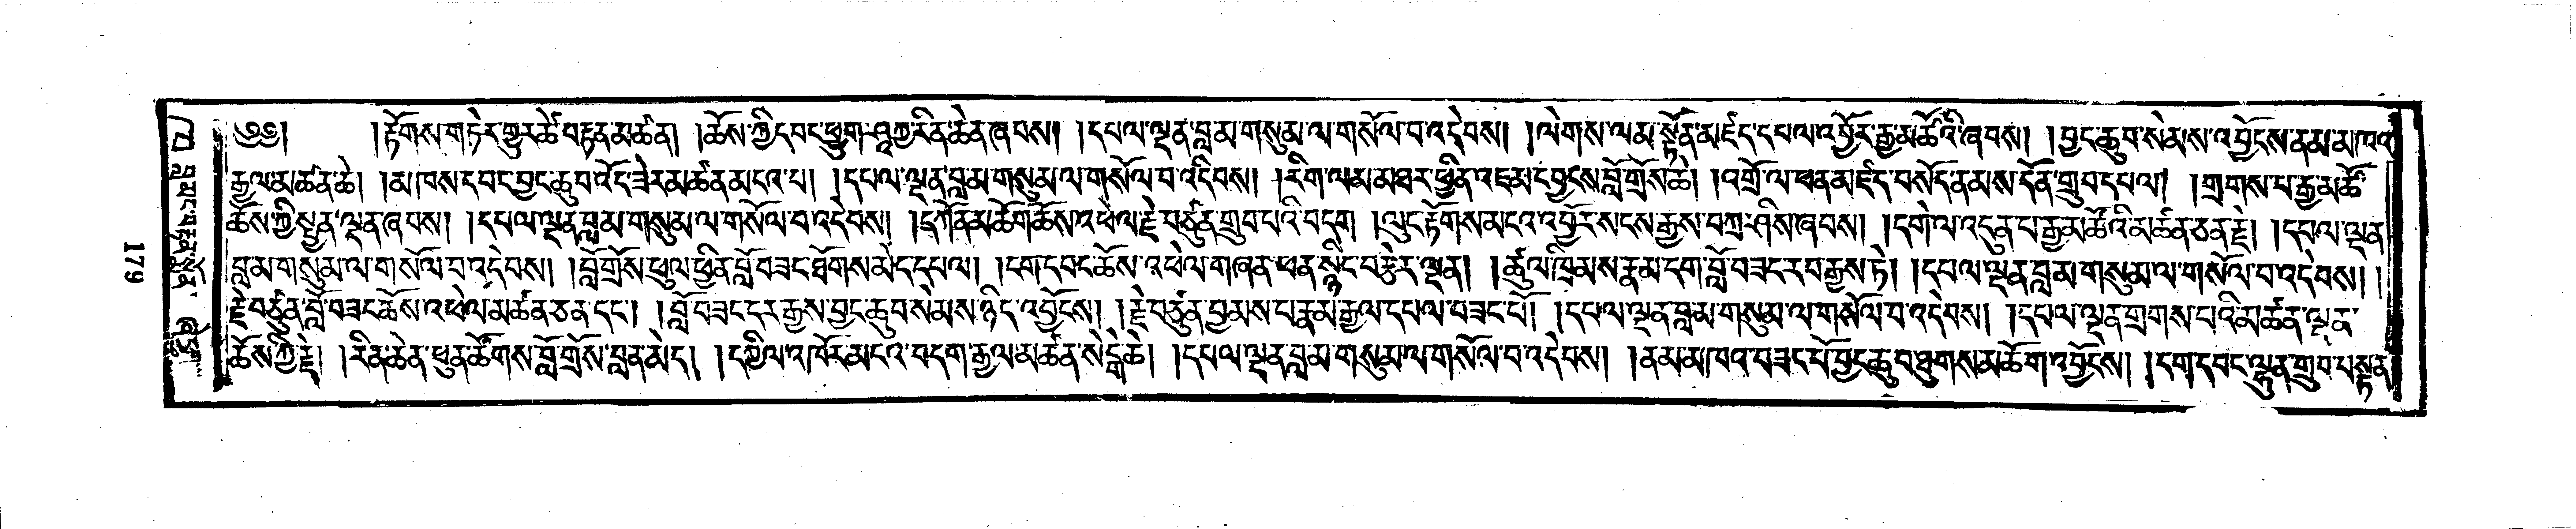༄༅། །རྟོགས་གཏེར་གྱུར་ཚེ་བརྟན་མཚན། །ཆོས་ཀྱི་དབང་ཕྱུག་ཤཱཀྱ་རིན་ཆེན་ཞབས། །དཔལ་ལྡན་བླ་མ་གསུམ་ལ་གསོལ་བ་འདེབས། །ལེགས་ལམ་སྟོན་མཛད་དཔལ་འབྱོར་རྒྱ་མཚོའི་ཞབས། །བྱང་ཆུབ་སེམས་འབྱོངས་ནམ་མཁའ་
རྒྱལ་མཚན་ཆེ། །མཁས་དབང་བྱང་ཆུབ་འོད་ཟེར་མཚན་མངའ་པ། །དཔལ་ལྡན་བླ་མ་གསུམ་ལ་གསོལ་བ་འདིབས། །རིག་ལམ་མཐར་ཕྱིན་འཇམ་དབྱངས་བློ་གྲོས་ཆེ། །འགྲོ་ལ་ཕན་མཛད་བསོད་ནམས་དོན་གྲུབ་དཔལ། །གྲགས་པ་རྒྱ་མཚོ་
ཆོས་ཀྱི་སྤྱན་ལྡན་ཞབས། །དཔལ་ལྡན་བླ་མ་གསུམ་ལ་གསོལ་བ་འདེབས། །དཀོན་མཆོག་ཆོས་འཕེལ་རྗེ་བཙུན་གྲུབ་པའི་བདག །ལུང་རྟོགས་མངའ་འབྱོར་སངས་རྒྱས་བཀྲ་ཤིས་ཞབས། །དགེ་ལ་འདུན་པ་རྒྱ་མཚོའི་མཚན་ཅན་རྗེ། །དཔལ་ལྡན་
བླ་མ་གསུམ་ལ་གསོལ་བ་འདེབས། །བློ་གྲོས་ཕུལ་ཕྱིན་བློ་བཟང་ཐོགས་མེད་དཔལ། །ངག་དབང་ཆོས་འཕེལ་གཞན་ཕན་སྙིང་བརྩེར་ལྡན། །ཚུལ་ཁྲིམས་རྣམ་དག་བློ་བཟང་རབ་རྒྱས་ཏེ། །དཔལ་ལྡན་བླ་མ་གསུམ་ལ་གསོལ་བ་འདེབས། །
རྗེ་བཙུན་བློ་བཟང་ཆོས་འཕེལ་མཚན་ཅན་དང་། །བློ་བཟང་དར་རྒྱས་བྱང་ཆུབ་སེམས་ཉིད་འབྱོངས། །རྗེ་བཙུན་བྱམས་པ་རྣམ་རྒྱལ་དཔལ་བཟང་པོ། །དཔལ་ལྡན་བླ་མ་གསུམ་ལ་གསོལ་བ་འདེབས། །དཔལ་ལྡན་གྲགས་པའི་མཚན་ལྡན་
ཆོས་ཀྱི་རྗེ། །རིན་ཆེན་ཕུན་ཚོགས་བློ་གྲོས་བླ་ན་མེད། །དཀྱིལ་འཁོར་མངའ་བདག་རྒྱལ་མཚན་སེངྒེ་ཆེ། །དཔལ་ལྡན་བླ་མ་གསུམ་ལ་གསོལ་བ་འདེབས། །ནམ་མཁའ་བཟང་པོ་བྱང་ཆུབ་ཐུགས་མཆོག་འབྱོངས། །ངག་དབང་ལྷུན་གྲུབ་པ་བསྟན་